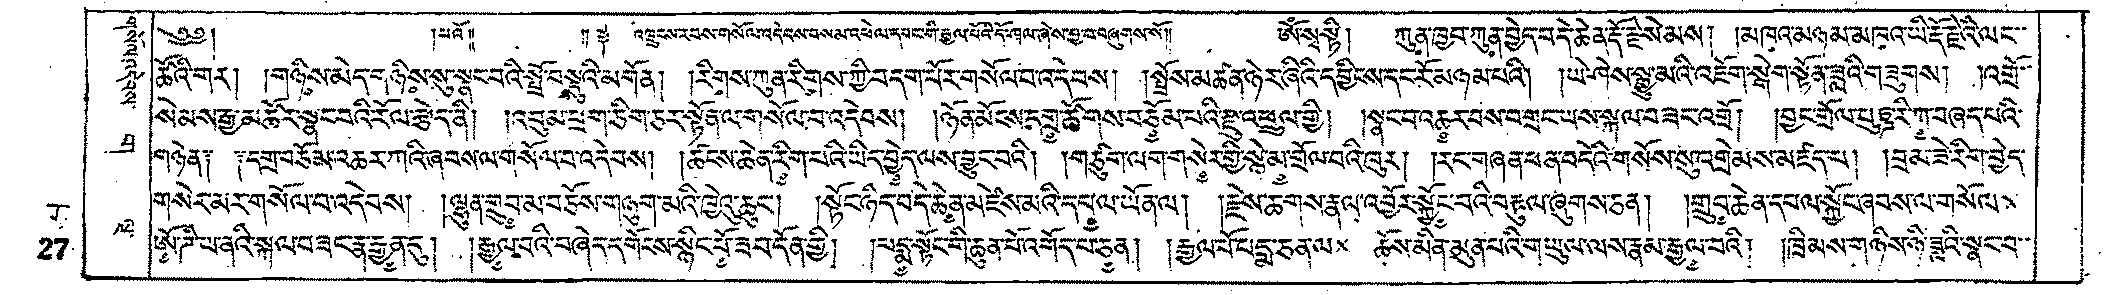༄༅། །པའོ།། །། ༈ འཁྲུངས་རབས་གསོལ་འདེབས་བསམ་འཕེལ་དབང་གི་རྒྱལ་པོའི་དོ་ཤལ་ཞེས་བྱ་བ་བཞུགས་སོ།། ཨོཾ་སྭ་སྟི། ཀུན྾་ཁྱབ་ཀུན྾་བྱེད་བདེ་ཆེན་རྡོ་རྗེ་སེམས། །མཁའ་མཉན་མཁའ་ཡི་རྡོ་རྗེའི་ལང་་་
ཚོའི་གར། །གཉིས྾་མེད་གཉིས྾་སུ་སྣང་བའི་སྤྲོ་བསྡུའི་མགོན། །རིགས྾་ཀུན་རིགས྾་ཀྱི་བདག་པོར་གསོལ་བ་འདེབས། །སྤྲོས་མཚན་ཉེར་ཞིའི་དབྱིངས་དང་རོ་མཉན་པའི། །ཡེ་ཤེས་སྒྱུ་མའི་འཇོག་སྒེག་སྟོན་ཟླའི་གཟུགས། །འགྲོ་་་
སེམས་རྒྱ་མཚོར་སྣང་བའི་རོལ་རྩེད་ནི། །འབུམ་ཕྲག་ཅིག་ཅར་སྟོན་ལ་གསོལ་བ་འདེབས། །ཉོན་མོངས་དགྲཾ་ཚོགས་བཅོམཾ་པའི་རྫུ་འཕྲུལ་གྱི། །སྣང་བ་འཆརཾ་བས་བགྲང་ཡས་སྐལ་བཟང་འགྲོ། །བྱང་གྲོལ་པུཎྜ་རི་ཀཾ་བཞད་པའི་
གཉེན༑ ༑དགྲ་བཅོམ་འཆར་ཀའི་ཞབས་ལ་གསོལ་བ་འདེབས། །ཚངས་ཆེན་རིགཾ་པའི་ཡིད་བྱེདཾ་ལས་བྱུང་བའི། །གཙུག་ལག་གསེརཾ་གྱི་སྙེ་མཾ་གྲོལ་བའི་ཁུར། །རང་གཞན་ཕན་བདེའི་གསོས་སུ་འགྲེམས་མཛད་པ། །བྲམ་ཟེ་རིག་བྱེད་
གསེར་མར་གསོལ་བ་འདེབས། །ལྷུན་གྲུབཾ་མ་བཅོས་གཉུག་མའི་ཁྱེའུ་ཆུང་། །སྟོང་ཉིད་བདེ་ཆེནཾ་མཛེས་མའི་དཔལཾ་ཡོན་ལ། །རྗེས་ཆགས་རྣལ་འབྱོར་སྐྱོང་བའི་བརྟུལ་ཞུགས་ཅན། །གྲུབཾ་ཆེན་དཔལ་སྐྱོང་ཞབས་ལ་གསོལ་྾་
ཨོཾ་ཌི་ཡ་ནའི་སྐལ་བཟང་རྣ་རྒྱནཾ་དུ། །རྒྱལཾ་བའི་བཞེད་དགོངས་སྙིང་པོཾ་ཟབ་དོན་གྱི། །པདམཾ་སྟོང་གི་ཆུན་པོ་འགོད་པ་ཅནཾ། །རྒྱལ་པོ་པདམ་ཅན་ལ་྾་ཆོས་མིན་མུན་པའི་གཡུལ་ལས་རྣམ་རྒྱལཾ་བའི། །ཁྲིམས་གཉིས་ཉི་ཟླའི་སྣང་བ་་་